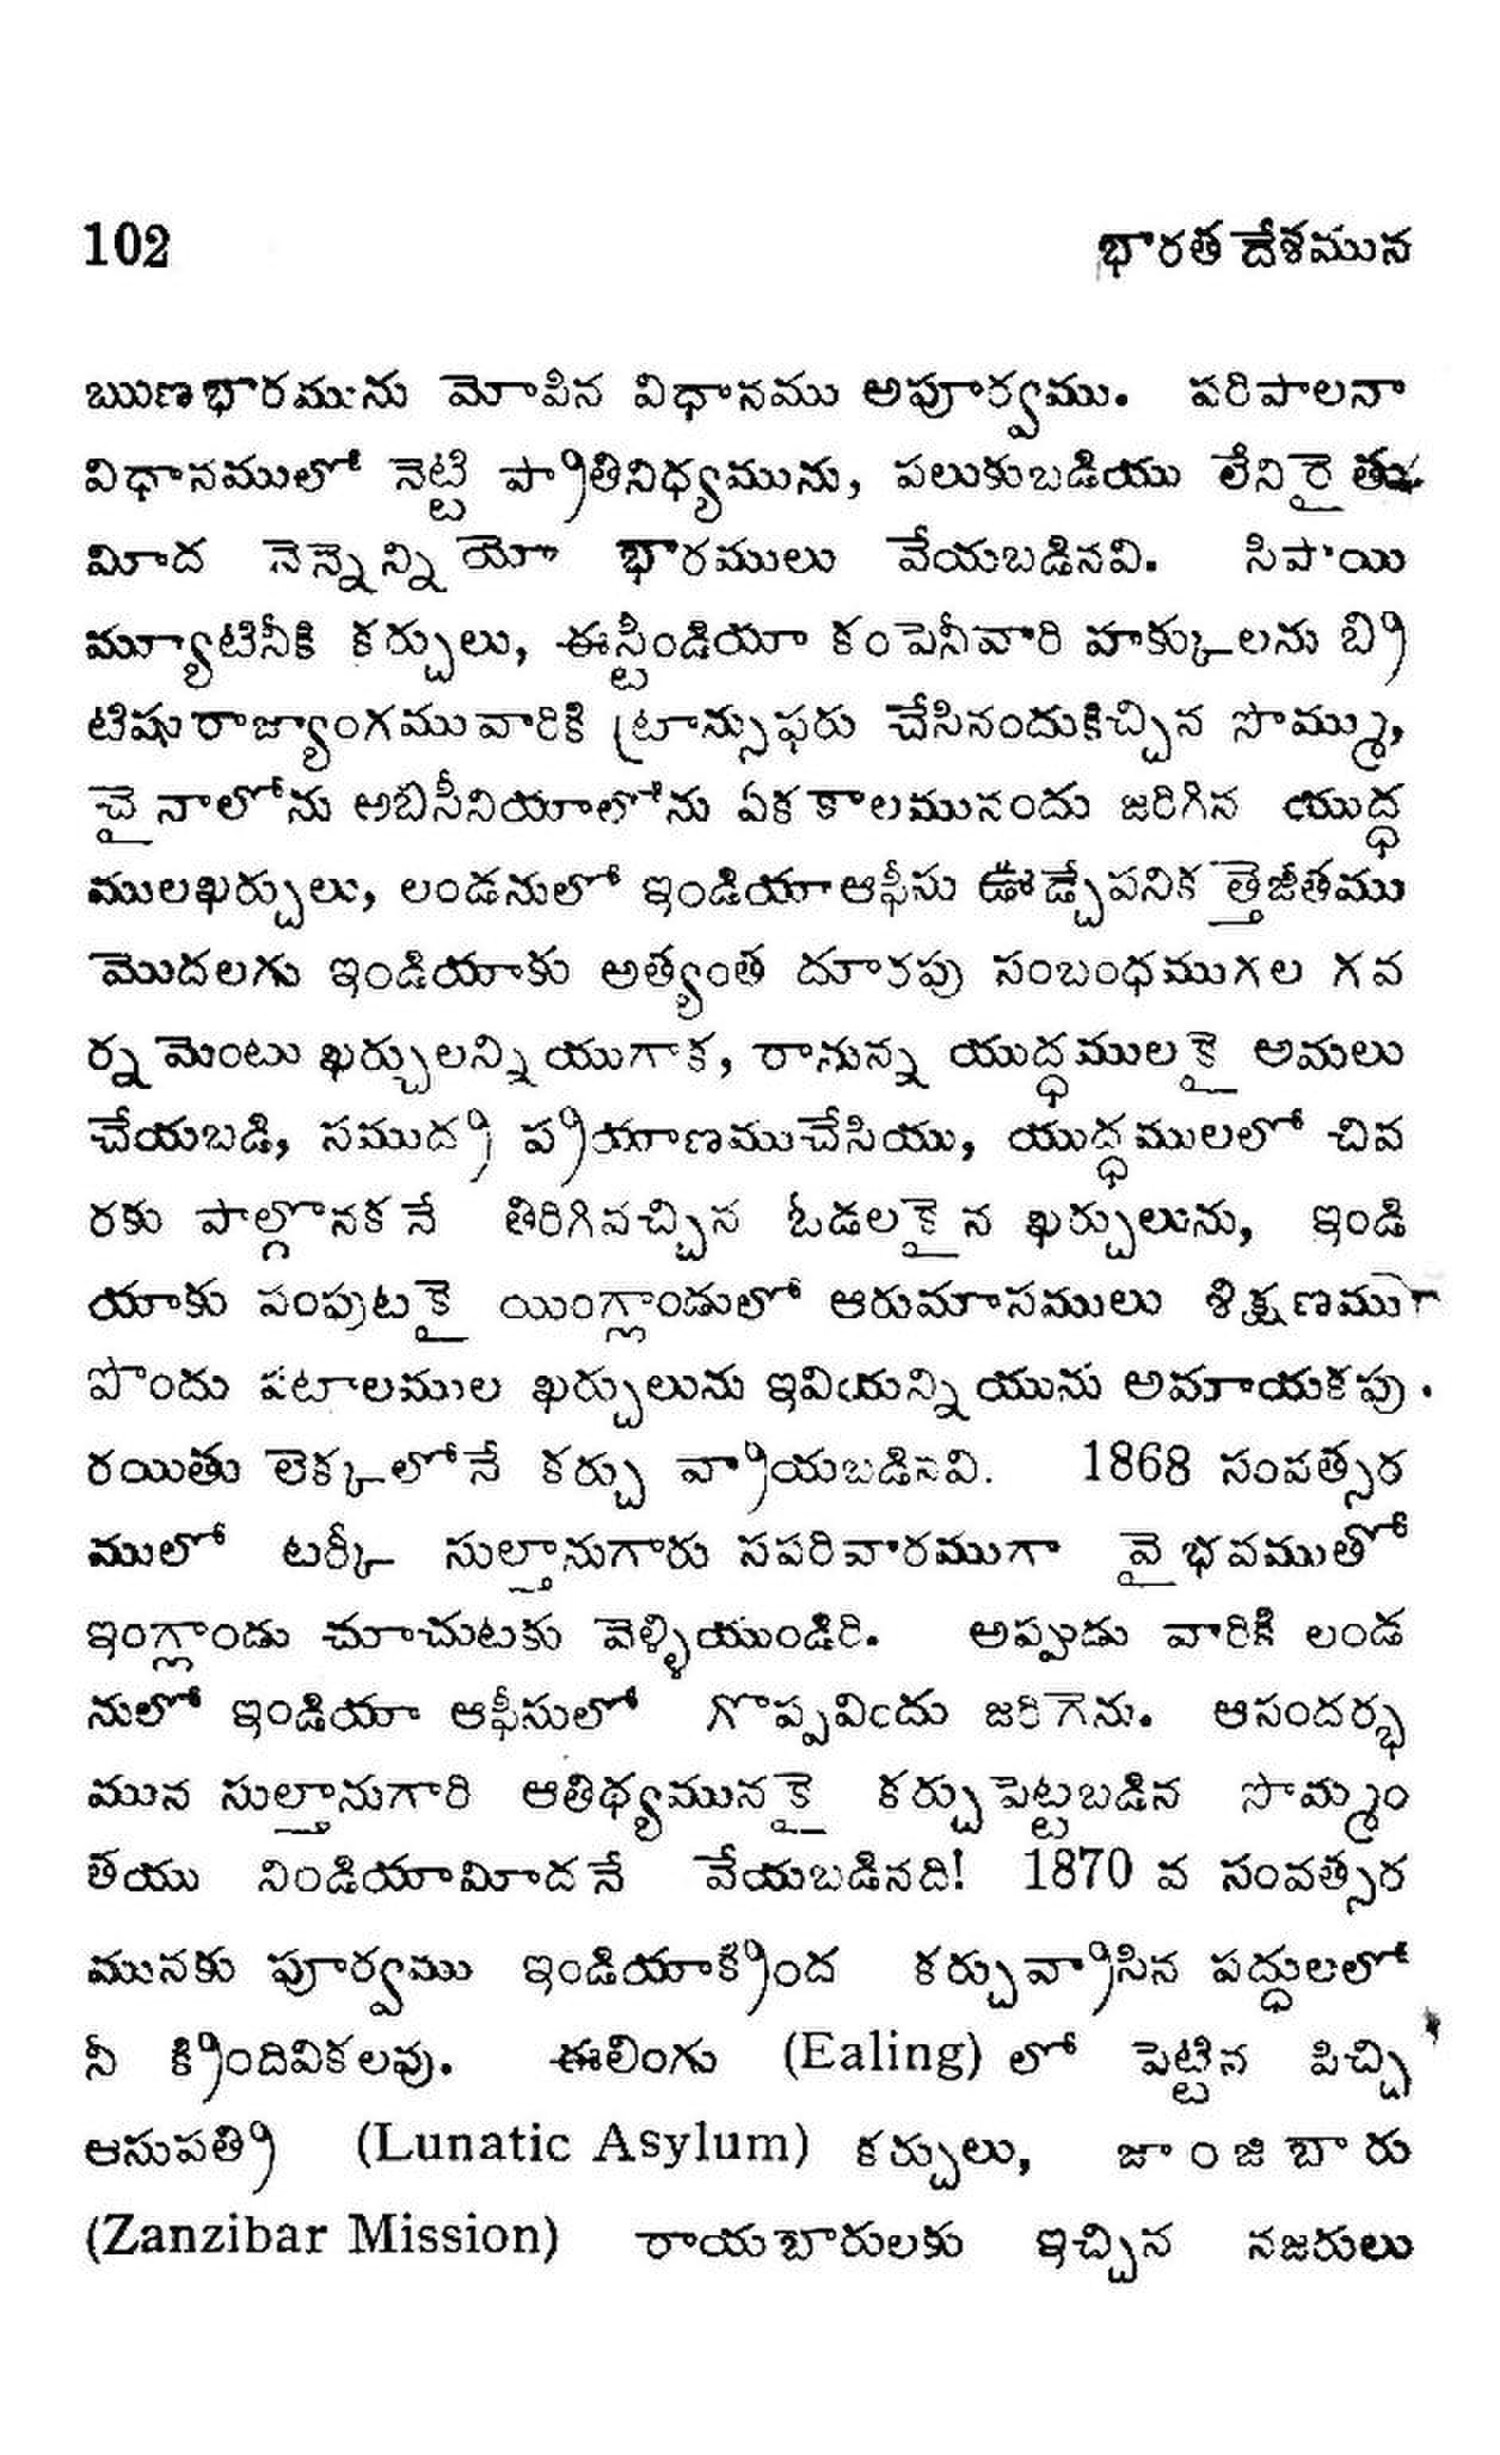ఋణభారమును మోపిన విధానము అపూర్వము. పరిపాలనా విధానములో నెట్టి ప్రాతినిధ్యమును, పలుకుబడియు లేనిరైతుమీద నెన్నెన్నియో భారములు వేయబడినవి. సిపాయి మ్యూటినీకి కర్చులు, ఈస్టిండియా కంపెనీవారి హక్కులను బ్రిటిషురాజ్యాంగమువారికి ట్రాన్సుఫరు చేసినందుకిచ్చిన సొమ్ము, చైనాలోను అబిసీనియాలోను ఏకకాలమునందు జరిగిన యుద్ధములఖర్చులు, లండనులో ఇండియా ఆఫీసు ఊడ్చేపనికత్తెజీతము మొదలగు ఇండియాకు అత్యంత దూరపు సంబంధముగల గవర్నమెంటు ఖర్చులన్నియుగాక, రానున్న యుద్ధములకై అమలు చేయబడి, సముద్ర ప్రయాణముచేసియు, యుద్ధములలో చివరకు పాల్గొనకనే తిరిగివచ్చిన ఓడలకైన ఖర్చులును, ఇండియాకు పంపుటకై యింగ్లాండులో ఆరుమాసములు శిక్షణము పొందు పటాలముల ఖర్చులును ఇవియున్నియును అమాయకపు రయితు లెక్కలోనే కర్చు వ్రాయబడినవి. 1868 సంవత్సరములో టర్కీ సుల్తానుగారు సపరివారముగా వైభవముతో ఇంగ్లాండు చూచుటకు వెళ్ళియుండిరి. అప్పుడు వారికి లండనులో ఇండియా ఆఫీసులో గొప్పవిందు జరిగెను. ఆసందర్భమున సుల్తానుగారి ఆతిథ్యమునకై కర్చుపెట్టబడిన సొమ్మంతయు నిండియామీదనే వేయబడినది! 1870 వ సంవత్సరమునకు పూర్వము ఇండియాక్రింద కర్చువ్రాసిన పద్దులలో నీ క్రిందివికలవు. ఈలింగు (Ealing) లో పెట్టిన పిచ్చి ఆసుపత్రి (Lunatic Asylum) కర్చులు, జాంజిబారు (zanzibar Mission) రాయబారులకు ఇచ్చిన నజరులు